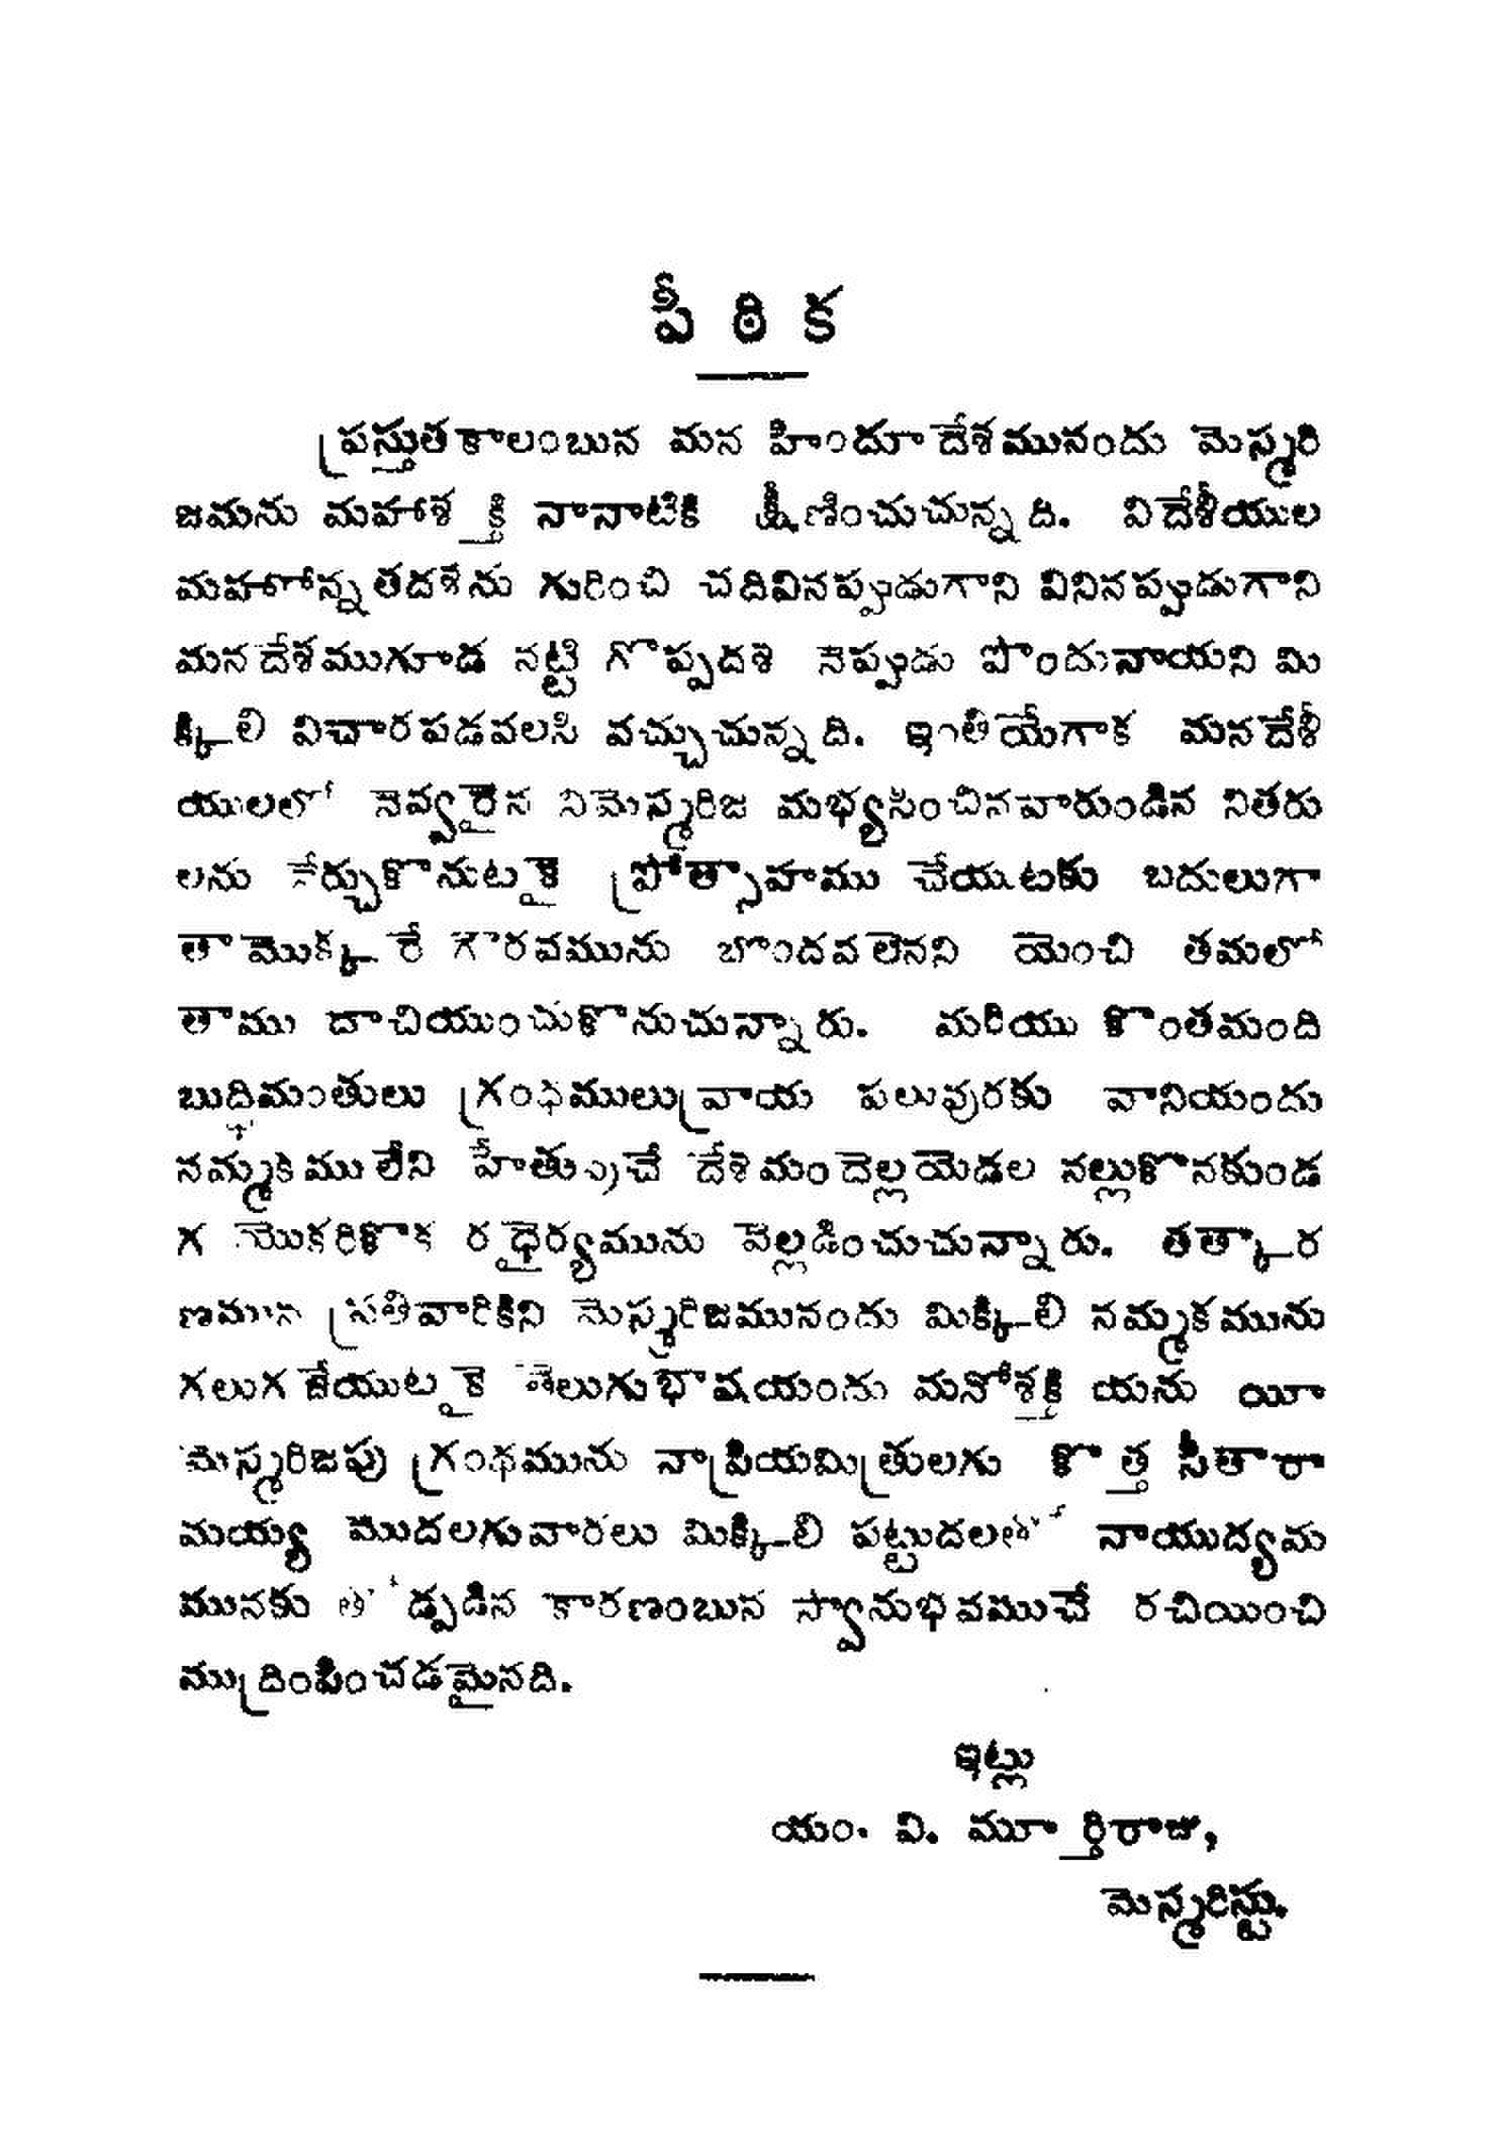పీఠిక

ప్రస్తుతకాలంబున మన హిందూదేశమునందు మెస్మరిజమను మహాశక్తి నానాటికి క్షీణించుచున్నది. విదేశీయుల మహోన్నతదశను గురించి చదివినప్పుడుగాని వినినప్పుడుగాని మనదేశముగూడ నట్టి గొప్పదశ నెప్పుడు పొందునాయని మిక్కిలి విచారపడవలసి వచ్చుచున్నది. ఇంతియేగాక మనదేశీయులలో నెవ్వరైన నీమెస్మరిజ మభ్యసించిన వారుండిన నితరులను నేర్చుకొనుటకై ప్రోత్సాహము చేయుటకు బదులుగా తామొక్కరే గౌరవమును బొందవలెనని యెంచి తమలో
తాము దాచియుంచుకొనుచున్నారు. మరియు కొంతమంది బుద్ధిమంతులు గ్రంధములు వ్రాయ పలువురకు వానియందు నమ్మకములేని హేతువుచే దేశమందెల్లయెడల నల్లుకొనకుండగ యొకరికొక రధైర్యమును వెల్లడించుచున్నారు. తత్కారణమున ప్రతివారికిని మెస్మరిజమునందు మిక్కిలి నమ్మకమును గలుగ జేయుటకై తెలుగుభాషయందు మనోశక్తి యను యీ మెస్మరిజపు గ్రంథమును నాప్రియమిత్రులగు కొత్త సీతారామయ్య మొదలగువారలు మిక్కిలి పట్టుదలతో నాయుద్యమమునకు తోడ్పడిన కారణంబున స్వానుభవముచే రచియించి
ముద్రింపించడమైనది.